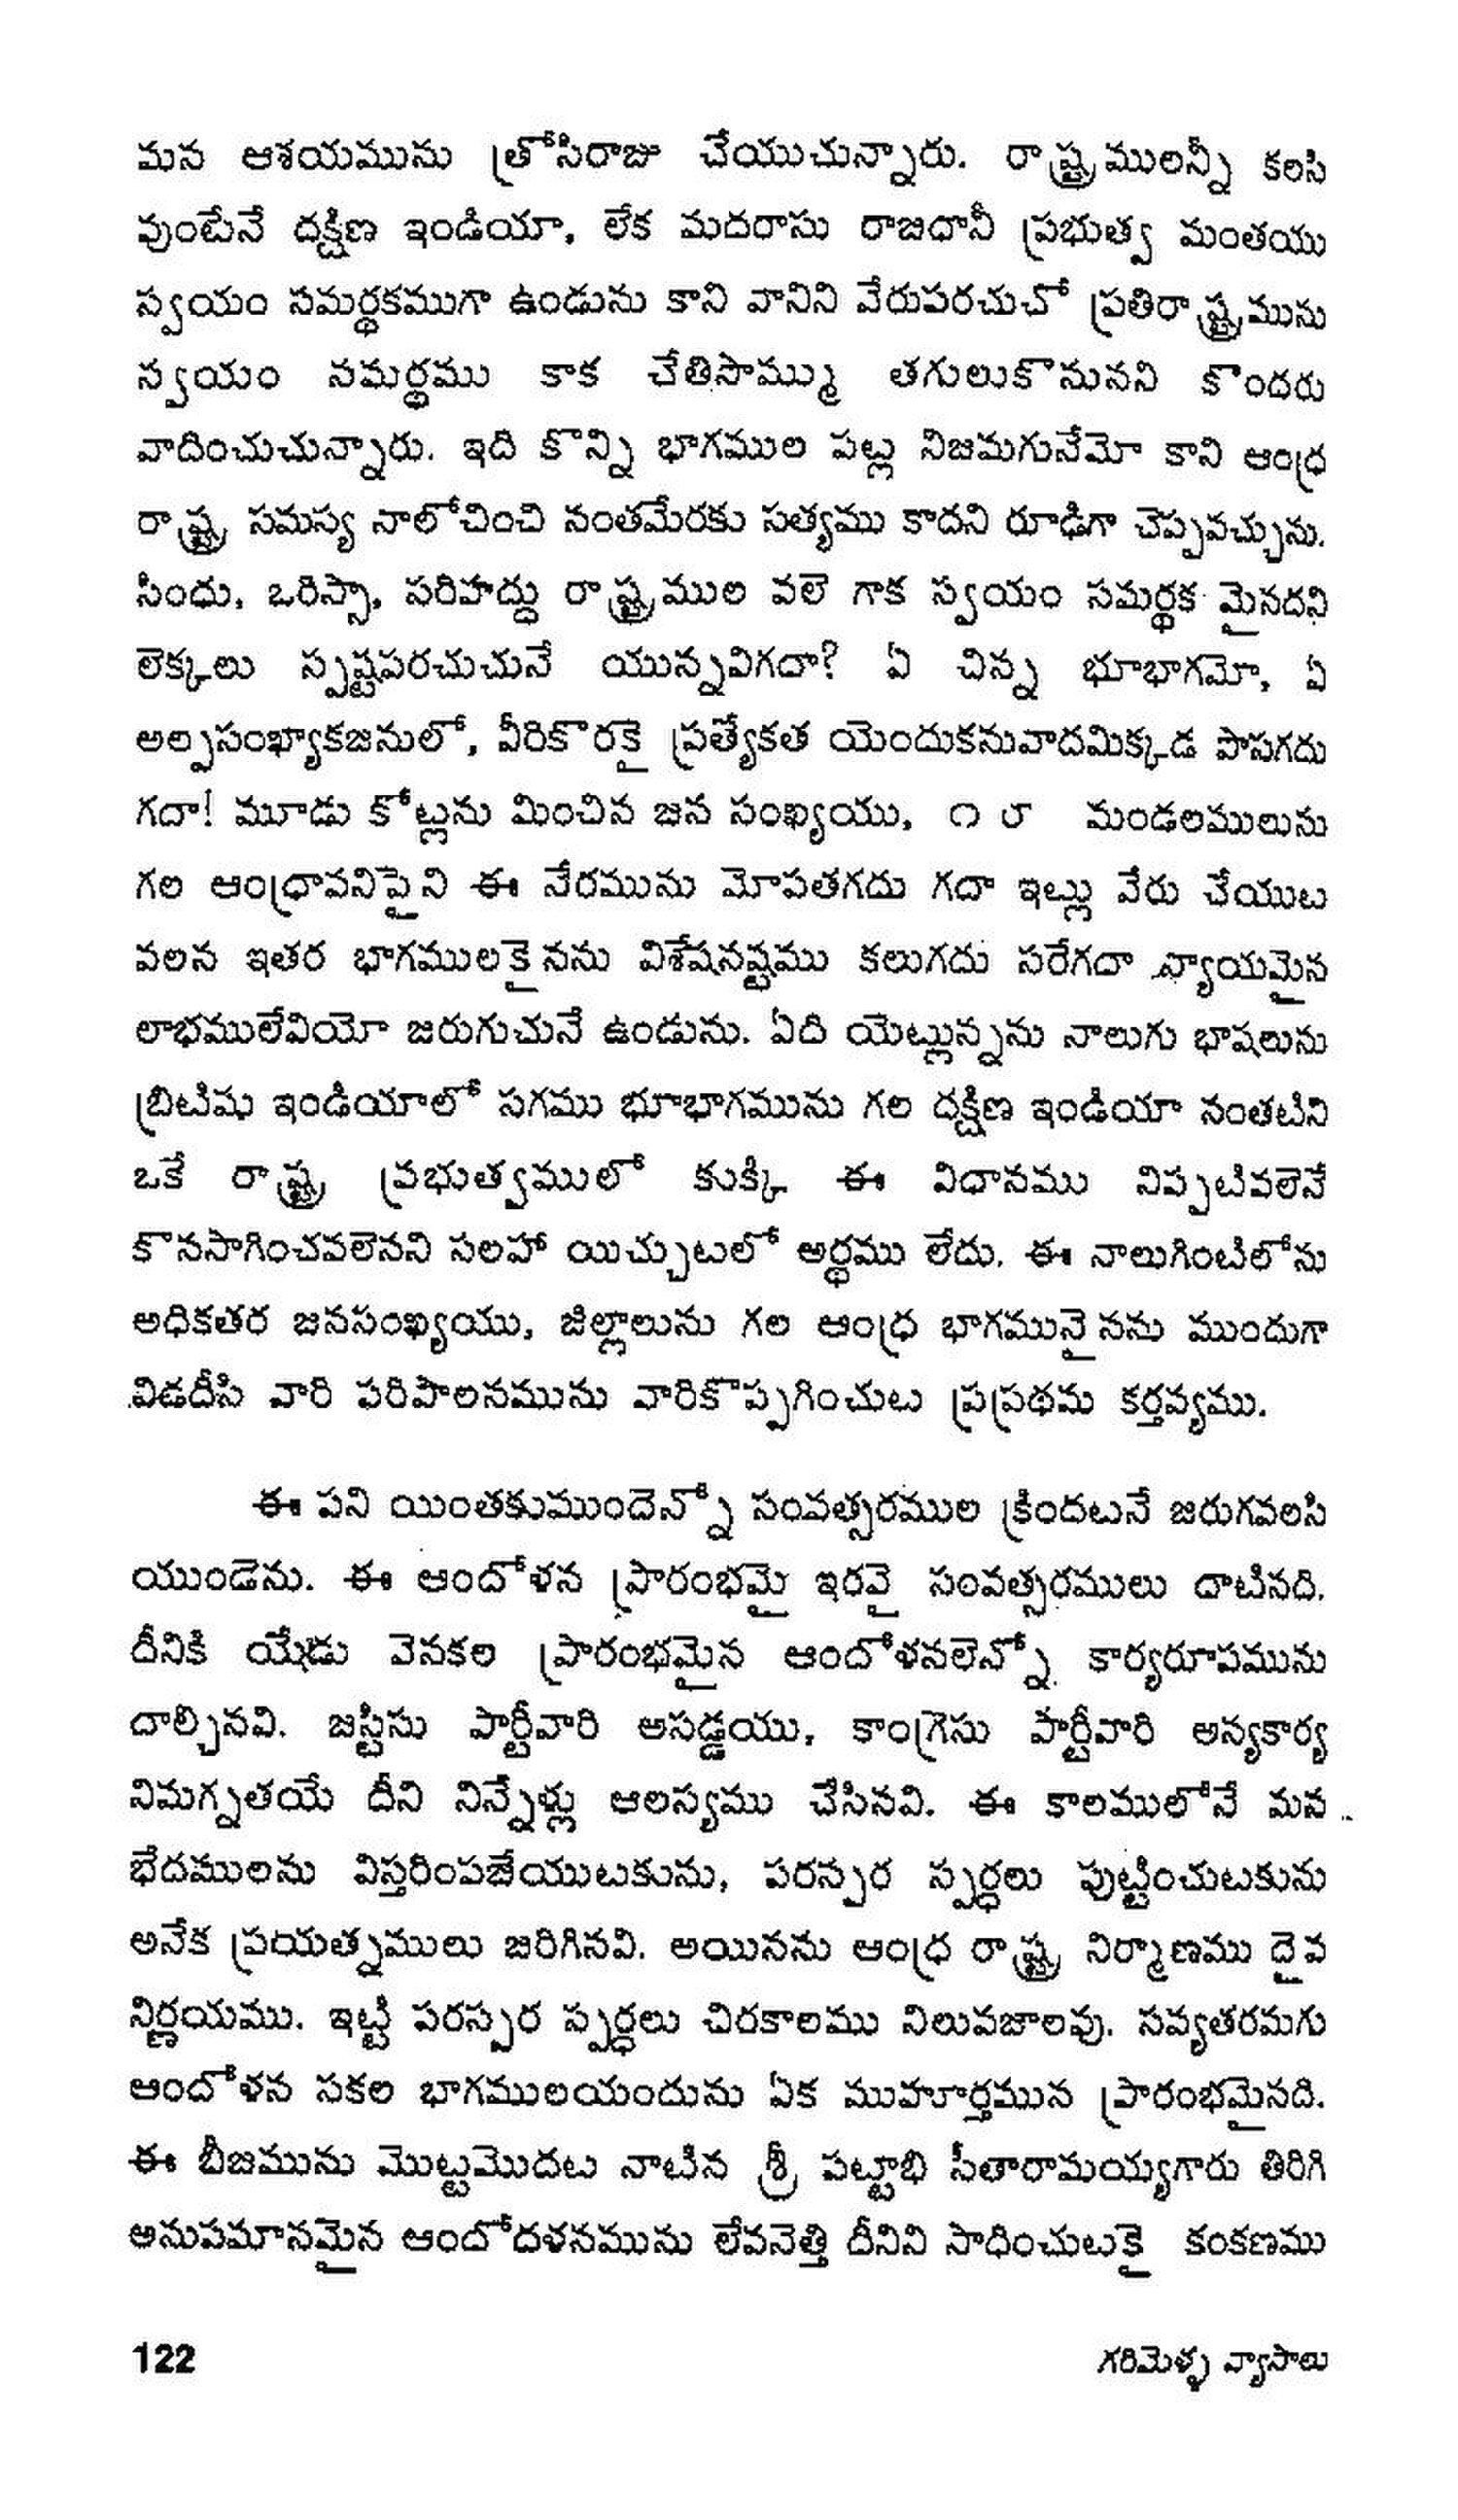మన ఆశయమును త్రోసిరాజు చేయుచున్నారు. రాష్ట్రములన్నీ కలసి వుంటేనే దక్షిణ ఇండియా, లేక మదరాసు రాజధానీ ప్రభుత్వ మంతయు స్వయం సమర్థకముగా ఉండును కాని వానిని వేరుపరచుచో ప్రత్రిరాష్ట్రమును స్వయం సమర్థము కాక చేతిసొమ్ము తగులుకొనునని కొందరు వాదించుచున్నారు. ఇది కొన్ని భాగముల పట్ల నిజమగునేమో కాని ఆంధ్ర రాష్ట్ర సమస్య నాలోచించి నంతమేరకు సత్యము కాదని రూఢిగా చెప్పవచ్చును. సింధు, ఒరిస్సా, సరిహద్దు రాష్ట్రముల వలె గాక స్వయం సమర్థక మైనదని లెక్కలు స్పష్టపరచుచునే యున్నవిగదా? ఏ చిన్న భూభాగమో, ఏ అల్పసంఖ్యాకజనులో, వీరికొరకై ప్రత్యేకత యెందుకనువాదమిక్కడ పొసగదు గదా! మూడు కోట్లను మించిన జన సంఖ్యయు 18 మండలములును గల ఆంధ్రావనిపైని ఈ నేరమును మోపతగదు గదా ఇట్లు వేరు చేయుటవలన ఇతర భాగములకైనను విశేషనష్టము కలుగదు సరేగదా న్యాయమైన లాభములేవియో జరుగుచునే ఉండును. ఏది యెట్లున్నను నాలుగు భాషలును బ్రిటిషు ఇండియాలో సగము భూభాగమును గల దక్షిణ ఇండియా నంతటిని ఒకే రాష్ట్ర ప్రభుత్వములో కుక్కి ఈ విధానము నిప్పటివలెనే కొనసాగించవలెనని సలహా యిచ్చుటలో అర్థము లేదు. ఈ నాలుగింటిలోను అధికతర జనసంఖ్యయు, జిల్లాలును గల ఆంధ్ర భాగమునైనను ముందుగా విడదీసి వారి పరిపాలనమును వారికొప్పగించుట ప్రప్రథమ కర్తవ్యము.

ఈ పని యింతకుముందెన్నో సంవత్సరముల క్రిందటనే జరుగవలసి యుండెను. ఈ ఆందోళన ప్రారంభమై ఇరవై సంవత్సరములు దాటినది. దీనికి యేడు వెనకల ప్రారంభమైన ఆందోళనలెన్నో కార్యరూపమును దాల్చినవి. జస్టీసు పార్టీవారి అసడ్డయు, కాంగ్రెసు పార్టీవారి అన్యకార్య నిమగ్నతయే దీని నిన్నేళ్లు ఆలస్యము చేసినవి. ఈ కాలములోనే మన భేదములను విస్తరింపజేయుటకును, పరస్పర స్పర్ధలు పుట్టించుటకును అనేక ప్రయత్నములు జరిగినవి. అయినను ఆంధ్ర రాష్ట్ర నిర్మాణము దైవ నిర్ణయము. ఇట్టి పరస్పర స్పర్ధలు చిరకాలము నిలువజాలవు. నవ్యతరమగు ఆందోళన సకల భాగములయందును ఏక ముహూర్తమున ప్రారంభమైనది. ఈ బీజమును మొట్టమొదట నాటిన శ్రీ పట్టాభి సీతారామయ్యగారు తిరిగి అనుపమానమైన ఆందోళనమును లేవనెత్తి దీనిని సాధించుటకై కంకణము